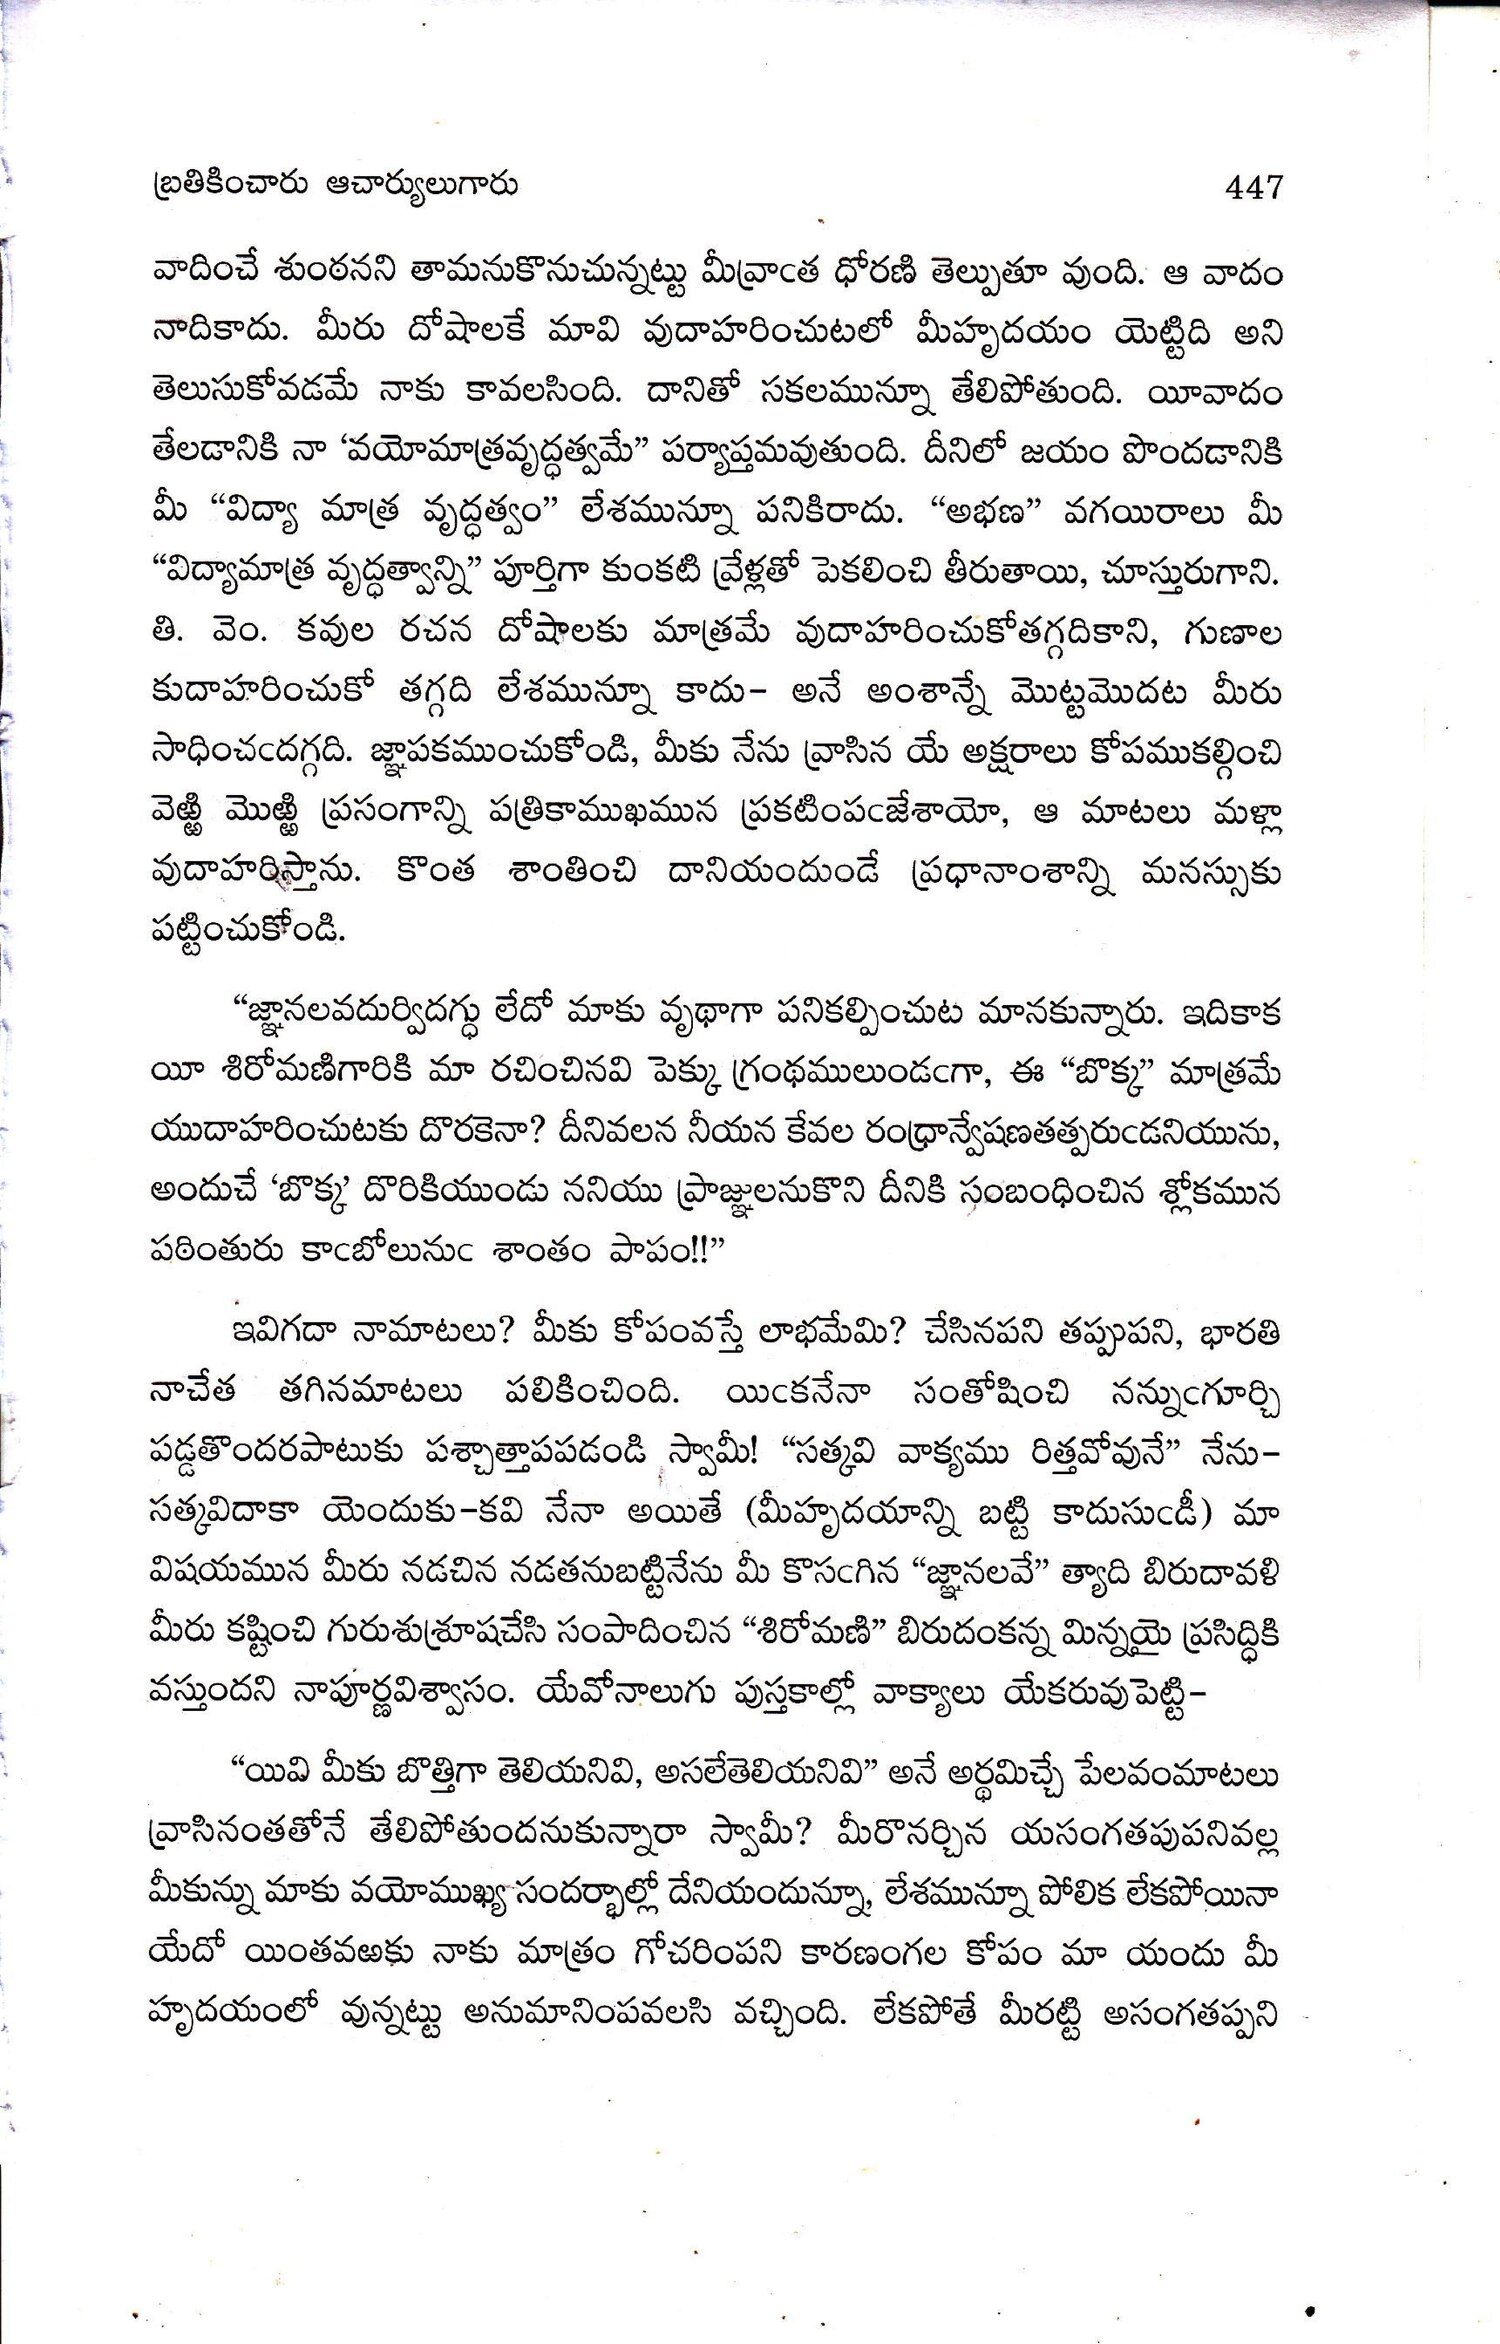వాదించే శుంఠనని తామనుకొనుచున్నట్టు మీవ్రాఁత ధోరణి తెల్పుతూ వుంది. ఆ వాదం నాదికాదు. మీరు దోషాలకే మావి వుదాహరించుటలో మీహృదయం యెట్టిది అని తెలుసుకోవడమే నాకు కావలసింది. దానితో సకలమున్నూ తేలిపోతుంది. యీవాదం తేలడానికి నా "వయోమాత్రవృద్ధత్వమే” పర్యాప్తమవుతుంది. దీనిలో జయం పొందడానికి మీ “విద్యా మాత్ర వృద్ధత్వం” లేశమున్నూ పనికిరాదు. “అభణ” వగయిరాలు మీ “విద్యామాత్ర వృద్ధత్వాన్ని" పూర్తిగా కుంకటి వ్రేళ్లతో పెకలించి తీరుతాయి, చూస్తురుగాని. తి. వెం. కవుల రచన దోషాలకు మాత్రమే వుదాహరించుకోతగ్గదికాని, గుణాల కుదాహరించుకో తగ్గది లేశమున్నూ కాదు- అనే అంశాన్నే మొట్టమొదట మీరు సాధించఁదగ్గది. జ్ఞాపకముంచుకోండి, మీకు నేను వ్రాసిన యే అక్షరాలు కోపముకల్గించి వెఱ్ఱి మొఱ్ఱి ప్రసంగాన్ని పత్రికాముఖమున ప్రకటింపఁజేశాయో, ఆ మాటలు మళ్లా వుదాహరిస్తాను. కొంత శాంతించి దానియందుండే ప్రధానాంశాన్ని మనస్సుకు పట్టించుకోండి.

"జ్ఞానలవదుర్విదగ్ధు లేదో మాకు వృథాగా పనికల్పించుట మానకున్నారు. ఇదికాక యీ శిరోమణిగారికి మా రచించినవి పెక్కు గ్రంథములుండఁగా, ఈ “బొక్క" మాత్రమే యుదాహరించుటకు దొరకెనా? దీనివలన నీయన కేవల రంధ్రాన్వేషణతత్పరుఁడనియును, అందుచే 'బొక్క' దొరికియుండు ననియు ప్రాజ్ఞులనుకొని దీనికి సంబంధించిన శ్లోకమున పఠింతురు కాఁబోలునుఁ శాంతం పాపం!!”

ఇవిగదా నామాటలు? మీకు కోపంవస్తే లాభమేమి? చేసినపని తప్పుపని, భారతి నాచేత తగినమాటలు పలికించింది. యిఁకనేనా సంతోషించి నన్నుఁగూర్చి పడ్డతొందరపాటుకు పశ్చాత్తాపపడండి స్వామీ! “సత్కవి వాక్యము రిత్తవోవునే" నేనుసత్కవిదాకా యెందుకు-కవి నేనా అయితే (మీహృదయాన్ని బట్టి కాదుసుఁడీ) మా విషయమున మీరు నడచిన నడతనుబట్టినేను మీ కొసఁగిన “జ్ఞానలవే” త్యాది బిరుదావళి మీరు కష్టించి గురుశుశ్రూషచేసి సంపాదించిన "శిరోమణి" బిరుదంకన్న మిన్నయై ప్రసిద్ధికి వస్తుందని నాపూర్ణవిశ్వాసం. యేవోనాలుగు పుస్తకాల్లో వాక్యాలు యేకరువుపెట్టి-

“యివి మీకు బొత్తిగా తెలియనివి, అసలేతెలియనివి" అనే అర్థమిచ్చే పేలవంమాటలు వ్రాసినంతతోనే తేలిపోతుందనుకున్నారా స్వామీ? మీరొనర్చిన యసంగతపుపనివల్ల మీకున్ను మాకు వయోముఖ్య సందర్భాల్లో దేనియందున్నూ లేశమున్నూ పోలిక లేకపోయినా యేదో యింతవఱకు నాకు మాత్రం గోచరింపని కారణంగల కోపం మా యందు మీ హృదయంలో వున్నట్లు అనుమానింపవలసి వచ్చింది. లేకపోతే మీరట్టి అసంగతప్పని